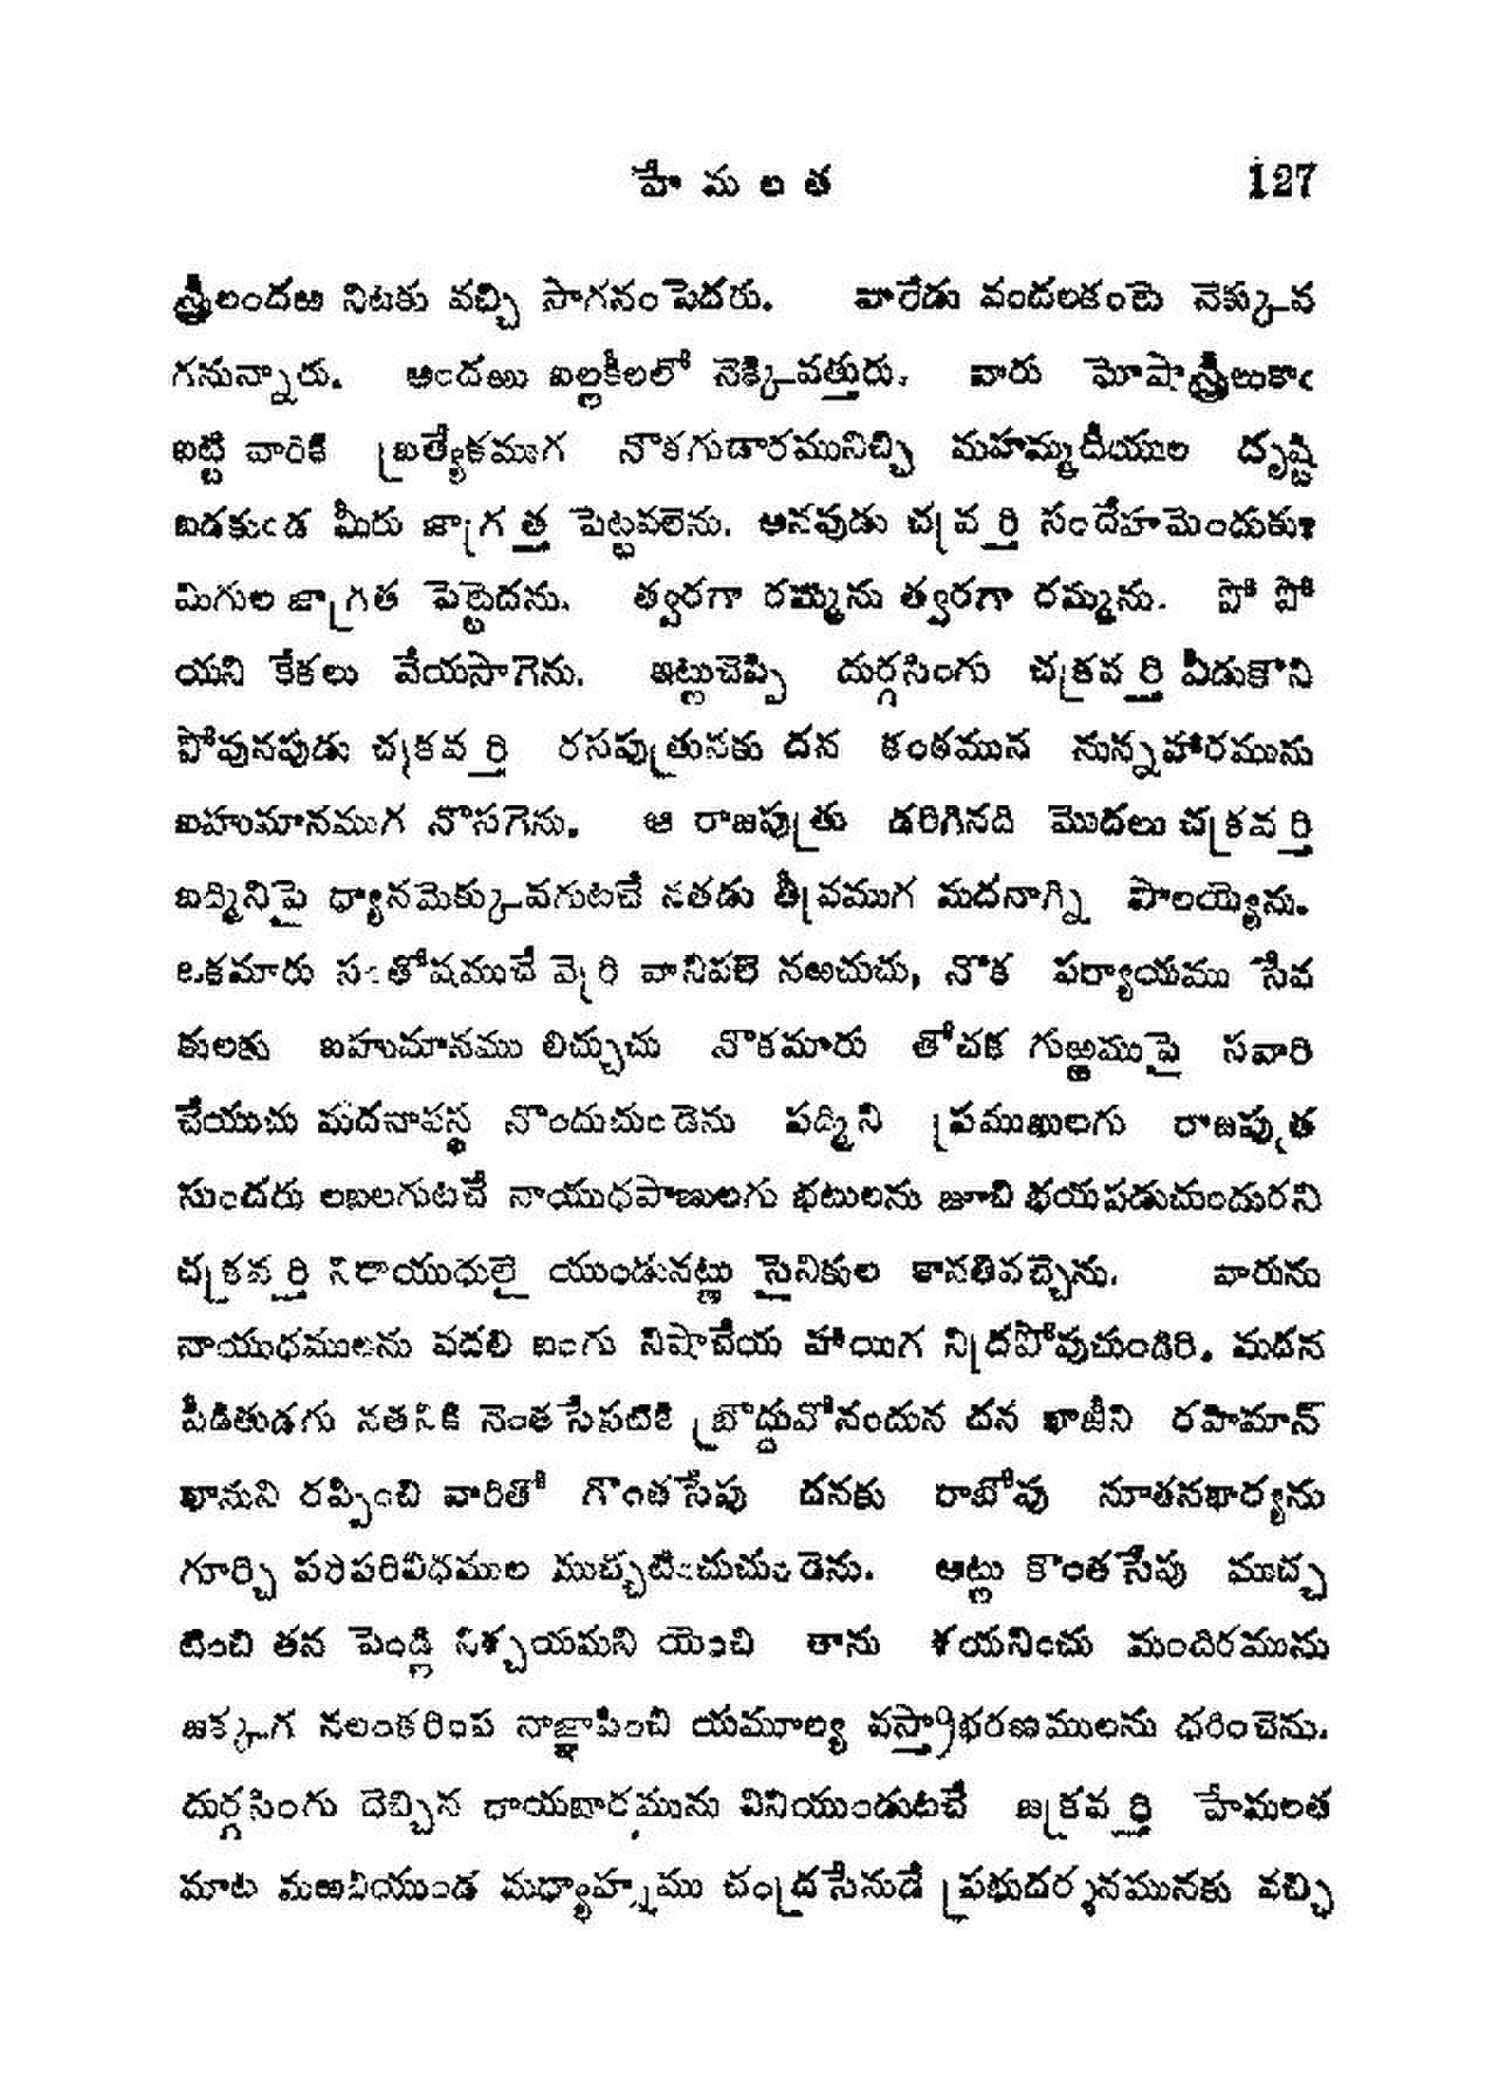స్త్రీలందఱ నిటకు వచ్చి సాగనంపెదరు. వారేడు వందలకంటే నెక్కువ గనున్నారు. అందఱు బల్లకీలలో నెక్కివత్తురు. వారు ఘోషాస్త్రీలుకాఁబట్టి వారికి బ్రత్యేకముగ నొకగుడారమునిచ్చి మహమ్మదీయుల దృష్టి బడకుండ మీరు జాగ్రత్త పెట్టవలెను. అనవుడు చక్రవర్తి సందేహమెందుకు? మిగుల జాగ్రత పెట్టెదను. త్వరగా రమ్మను త్వరగా రమ్మను. పో పో యని కేకలు వేయసాగెను. ఇట్లు చెప్పి దుర్గసింగు చక్రవర్తి వీడుకొని పోవునపుడు చక్రవర్తి రసపుత్రునకు దన కంఠమున నున్నహారమును బహుమానముగ నొసగెను. ఈ రాజపుత్రు డరిగినది మొదలు చక్రవర్తి బద్మినిపై ధ్యానమెక్కువగుటచే నతడు తీవ్రముగ మదనాగ్ని పాలయ్యెను. ఒకమారు సంతోషముచే వెర్రి వానివలె నఱచుచు, నొక పర్యాయము సేవకులకు బహుమానము లిచ్చుచు నొకమారు తోచక గుఱ్ఱముపై సవారి చేయుచు మదనావస్థ నొందుచుండెను. పద్మిని ప్రముఖులగు రాజపుత్ర సుందరు లబలగుటచే నాయుధపాణులగు భటులను జూచి భయపడుచుందురని చక్రవర్తి నిరాయుధులై యుండునట్లు సైనికుల కానతివచ్చెను. వారును నాయుధములను వదలి బంగు నిషాచేయ హాయిగ నిద్రపోవుచుండిరి. మదన పీడితుడగు నతనికి నెంతసేపటికి బ్రొద్దువోనందున దన ఖాజీని రహిమాన్ ఖానుని రప్పించి వారితో గొంతసేపు దనకు రాబోవు నూతనభార్యను గూర్చి పరిపరివిధముల ముచ్చటించుచుండెను. అట్లు కొంతసేపు ముచ్చటించి తన పెండ్లి నిశ్చయమని యెంచి తాను శయనించు మందిరమును జక్కగ నలంకరింప నాజ్ఞాపించి యమూల్య వస్త్రాభరణములను ధరించెను. దుర్గసింగు దెచ్చిన రాయబారమును వినియుండుటచే జక్రవర్తి హేమలత మాట మఱచియుండ మధ్యాహ్నము చంద్రసేనుడే ప్రభుదర్శనమునకు వచ్చి